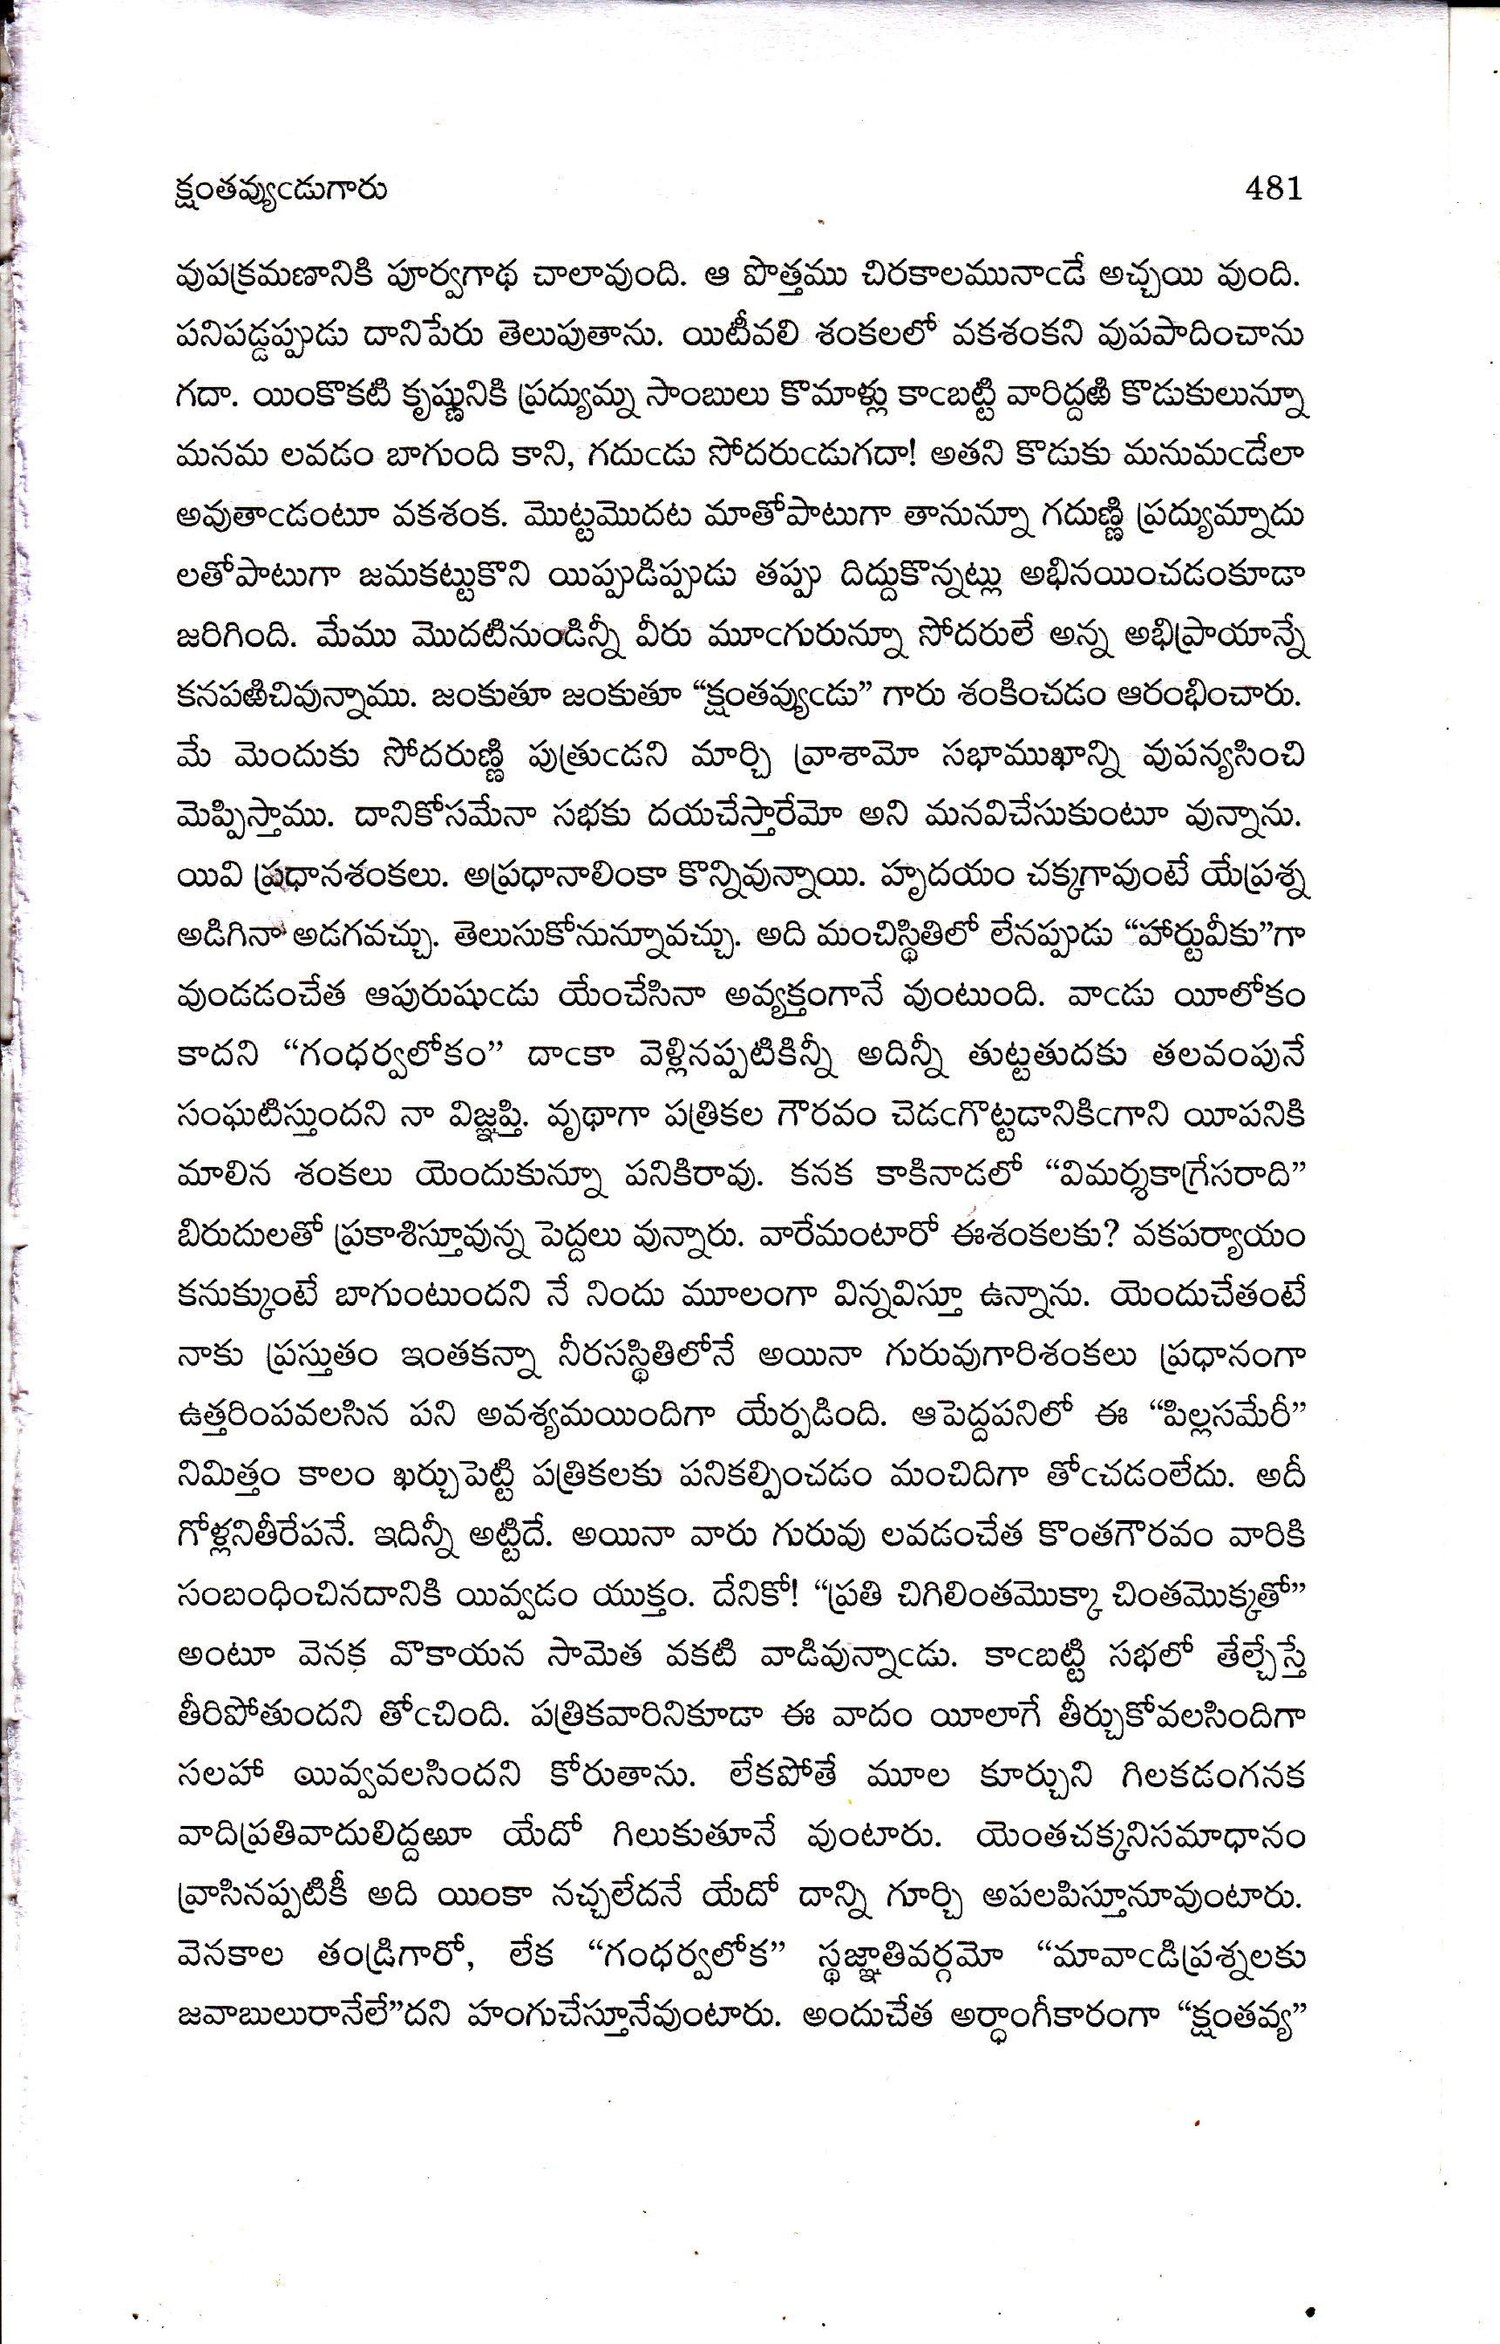వుపక్రమణానికి పూర్వగాథ చాలావుంది. ఆ పొత్తము చిరకాలమునాఁడే అచ్చయి వుంది. పనిపడ్డప్పుడు దానిపేరు తెలుపుతాను. యిటీవలి శంకలలో వకశంకని వుపపాదించాను గదా. యింకొకటి కృష్ణునికి ప్రద్యుమ్న సాంబులు కొమాళ్లు కాఁబట్టి వారిద్దఱి కొడుకులున్నూ మనము లవడం బాగుంది కాని, గదుఁడు సోదరుఁడుగదా! అతని కొడుకు మనుమఁడేలా అవుతాఁడంటూ వకశంక. మొట్టమొదట మాతోపాటుగా తానున్నూ గదుణ్ణి ప్రద్యుమ్నాదులతోపాటుగా జమకట్టుకొని యిప్పుడిప్పుడు తప్పు దిద్దుకొన్నట్లు అభినయించడంకూడా జరిగింది. మేము మొదటినుండిన్నీ వీరు మూఁగురున్నూ సోదరులే అన్న అభిప్రాయాన్నే కనపఱిచివున్నాము. జంకుతూ జంకుతూ “క్షంతవ్యుఁడు” గారు శంకించడం ఆరంభించారు. మే మెందుకు సోదరుణ్ణి పుత్రుఁడని మార్చి వ్రాశామో సభాముఖాన్ని వుపన్యసించి మెప్పిస్తాము. దానికోసమేనా సభకు దయచేస్తారేమో అని మనవిచేసుకుంటూ వున్నాను. యివి ప్రధానశంకలు. అప్రధానాలింకా కొన్నివున్నాయి. హృదయం చక్కగావుంటే యేప్రశ్న అడిగినా అడగవచ్చు. తెలుసుకోనున్నూవచ్చు. అది మంచిస్థితిలో లేనప్పుడు “హార్టువీకు"గా వుండడంచేత ఆపురుషుఁడు యేంచేసినా అవ్యక్తంగానే వుంటుంది. వాఁడు యీలోకం కాదని "గంధర్వలోకం" దాఁకా వెళ్లినప్పటికిన్నీ అదిన్నీ తుట్టతుదకు తలవంపునే సంఘటిస్తుందని నా విజ్ఞప్తి వృథాగా పత్రికల గౌరవం చెడఁగొట్టడానికిఁగాని యీపనికి మాలిన శంకలు యెందుకున్నూ పనికిరావు. కనక కాకినాడలో “విమర్శకాగ్రేసరాది" బిరుదులతో ప్రకాశిస్తూవున్న పెద్దలు వున్నారు. వారేమంటారో ఈశంకలకు? వకపర్యాయం కనుక్కుంటే బాగుంటుందని నే నిందు మూలంగా విన్నవిస్తూ ఉన్నాను. యెందుచేతంటే నాకు ప్రస్తుతం ఇంతకన్నా నీరసస్టితిలోనే అయినా గురువుగారిశంకలు ప్రధానంగా ఉత్తరింపవలసిన పని అవశ్యమయిందిగా యేర్పడింది. ఆపెద్దపనిలో ఈ “పిల్లసమేరీ" నిమిత్తం కాలం ఖర్చుపెట్టి పత్రికలకు పనికల్పించడం మంచిదిగా తోఁచడంలేదు. అదీ గోళ్లనితీరేపనే. ఇదిన్నీ అట్టిదే. అయినా వారు గురువు లవడంచేత కొంతగౌరవం వారికి సంబంధించినదానికి యివ్వడం యుక్తం. దేనికో! “ప్రతి చిగిలింతమొక్కా చింతమొక్కతో" అంటూ వెనక వొకాయన సామెత వకటి వాడివున్నాఁడు. కాఁబట్టి సభలో తేల్చేస్తే తీరిపోతుందని తోcచింది. పత్రికవారినికూడా ఈ వాదం యీలాగే తీర్చుకోవలసిందిగా సలహా యివ్వవలసిందని కోరుతాను. లేకపోతే మూల కూర్చుని గిలకడంగనక వాది ప్రతివాదులిద్దఱూ యేదో గిలుకుతూనే వుంటారు. యెంతచక్కనిసమాధానం వ్రాసినప్పటికీ అది యింకా నచ్చలేదనే యేదో దాన్ని గూర్చి అపలపిస్తూనూవుంటారు. వెనకాల తండ్రిగారో, లేక "గంధర్వలోక” స్థజ్ఞాతివర్గమో “మావాఁడిప్రశ్నలకు జవాబులురానేలే"దని హంగుచేస్తూనేవుంటారు. అందుచేత అర్ధాంగీకారంగా "క్షంతవ్య"